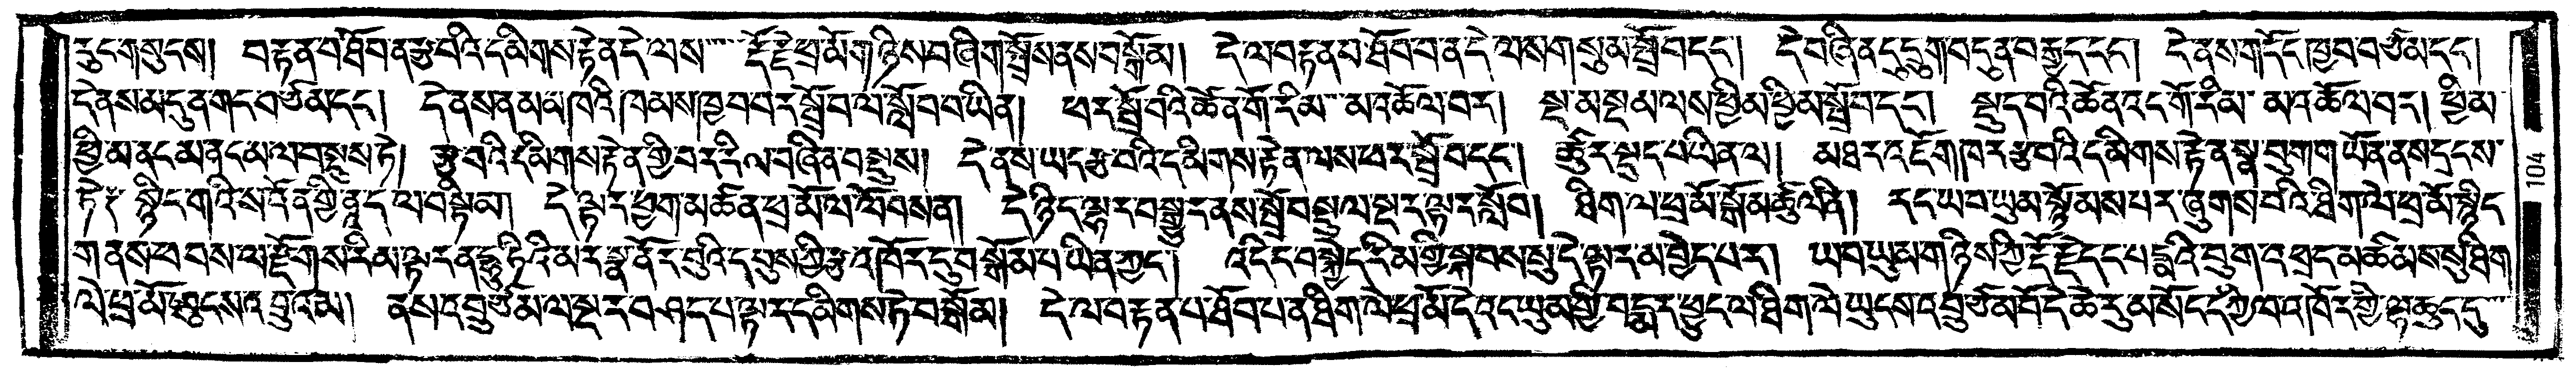རུང་གསུངས། བརྟན་པ་ཐོབ་ན་རྩ་བའི་དམིགས་རྟེན་དེ་ལས་རྡོ་རྗེ་ཕྲ་མོ་གཉིས་བ་ཞིག་སྤྲོས་ནས་བསྒོམ། དེ་ལ་བརྟན་པ་ཐོབ་བ་ན་དེ་ལས་གསུམ་སྤྲོ་བ་དང་། དེ་བཞིན་དུ་དྲུག་བདུན་བརྒྱད་དང་། དེ་ནས་གདོང་ཁྱབ་བ་ཙམ་དང་།
དེ་ནས་མདུན་གང་བ་ཙམ་དང་། དེ་ནས་ནམ་མཁའི་ཁམས་ཁྱབ་པར་སྤྲོ་བ་ལ་སློབ་བ་ཡིན། ཕར་སྤྲོ་བའི་ཚེ་ན་གོ་རིམ་མ་འཆོལ་བར། སྔ་མ་སྔ་མ་ལས་ཕྱི་མ་ཕྱི་མ་སྤྲོ་བ་དང་། སྡུད་པའི་ཚོནཱང་གོ་རིམ་མ་འཚོལ་བར། ཕྱི་མ་
ཕྱི་མ་ནང་མ་ནང་མ་ལ་བསྡུས་ཏེ། རྩ་བའི་དམིགས་རྟེན་གྱི་བར་རིམ་བཞིན་བསྡུས། དེ་ནས་ཡང་རྩ་བའི་དམིགས་རྟེན་ལས་ཕར་སྤྲོ་བ་དང་། ཚུར་སྡུད་པ་ཡིན་ལ། མཐར་འཇོག་ཁར་རྩ་བའི་དམིགས་རྟེན་སྣ་བུག་གཡོན་ནས་དྲངས་
ཏེ༑ སྙིང་གའི་ས་བོན་གྱི་ནཱ་ད་ལ་བསྟིམ། དེ་ལྟར་ཕྱག་མཚན་ཕྲ་མོ་ལ་ལོབས་ན། དེ་ཉིད་ལྷར་བསྒྱུར་ནས་སྤྲོ་བསྡུལ་སྔར་ལྟར་སློབ། ཐིག་ལ་ཕྲ་མོ་སྒོམ་ཚུལ་ནི། རང་ཡབ་ཡུམ་སྙོམས་པར་ཞུགས་པའི་ཐིག་ལེ་ཕྲ་མོ་སྙིང་
གནས་ཕབས་ལ་རྫོགས་རིམ་ལྟར་ན་དྷུ་ཏིའི་མར་སྣ་ནོར་བུའི་དབུས་ཀྱི་རྩ་འཁོར་དུ་བསྒོམ་པ་ཡིན་ཀྱང་། འདིང་བསྐྱེད་རིམ་གྱི་སྐབས་སུ་དེ་ལྟར་མ་བྱེད་པར། ཡབ་ཡུམ་གཉིས་ཀྱི་རྡོ་རྗེ་དང་པདམའི་བུག་འཕྲད་མཚམས་སུ་ཐིག་
ལེ་ཕྲ་མོ་ཡུངས་འབྲུའམ། ནས་འབྲུ་ཙམ་ལ་སྔར་བཤད་པ་ལྟར་དམིགས་ཏེ་བསྒོམ། དེ་ལ་བརྟན་པ་ཐོབ་པ་ན་ཐིག་ལེ་ཕྲ་མོ་དེའང་ཡུམ་གྱི་པདམར་ཕྱུང་ལ་ཐིག་ལེ་ཡུངས་འབྲུ་ཙམ་བོ་དེ་ཆེ་རུ་མ་སོང་དཀྱིལ་འཁོར་གྱི་ལྷ་ཆུང་ངུ་